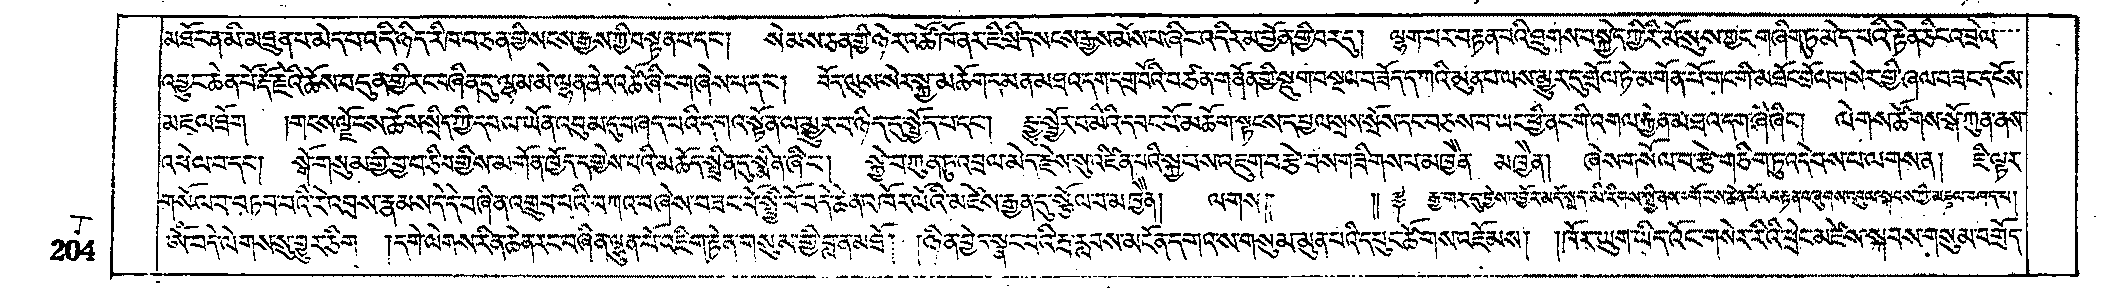མཐོང་ན་མི་མཐུན་པ་མེད་པ་འདི་ཉིད་རི་ཁ་བ་ཅན་གྱི་སངས་རྒྱས་ཀྱི་བསྟན་པ་དང་། སེམས་ཅན་གྱི་ཉེར་འཚོ་ཁོ་ནར་ཇི་སྲིད་སངས་རྒྱས་མོས་པ་ཞིང་འདིར་མ་བྱོན་གྱི་བར་དུ། ལྷག་པར་བརྟན་པའི་ཐུགས་བསྐྱེད་ཀྱི་རི་མོ་སུས་ཀྱང་གཞིག་ཏུ་མེད་པའི་རྟེན་ཅིང་འབྲེལ་་་
འབྱུང་ཆེན་པོ་རྡོ་རྗེའི་ཆོས་བདུན་གྱི་རང་བཞིན་དུ་ལྷམ་མེ་ལྷན་ནེར་འཚོ་ཞིང་གཞེས་པ་དང་། བོད་ལུས་སེར་སྐྱ་མཆོག་དམན་མཐའ་དག་དགྲ་བོའི་བཙན་གནོན་གྱི་སྡུག་བསྔལ་བཟོད་དཀའི་མུན་པ་ལས་མྱུར་དུ་གྲོལ་ཏེ་མགོན་པོ་གང་གི་མཐོང་གྲོལ་གསེར་གྱི་ཞལ་བཟང་དངོས་
མཇལ་ཐོག །གངས་ལྗོངས་ཆོས་སྲིད་ཀྱི་དཔལ་ཡོན་འབུམ་དུ་བཞད་པའི་དགའ་སྟོན་ལ་མྱུར་བ་ཉིད་དུ་སྤྱོད་པ་དང་། རྒྱུ་སྦྱོར་བ་མིའི་དབང་པོ་མཆོག་སྟངས་དཔྱལ་སྲས་སྲོས་དང་བཅས་པ་ཡང་ཕྱི་ནང་གི་འགལ་རྐྱེན་མཐའ་དག་ཞི་ཞིང་། ལེགས་ཚོགས་སྒོ་ཀུན་ནས་
འཕེལ་བ་དང་། སྒོ་གསུམ་གྱི་བྱ་བ་ཅི་བགྱིས་མགོན་ཁྱོད་དགྱེས་པའི་མཆོད་སྤྲིན་དུ་སྨིན་ཞིང་། སྐྱེ་བ་ཀུན་ཏུ་འབྲལ་མེད་རྗེས་སུ་འཛིན་པའི་སྐྱབས་འཇུག་བརྩེ་བས་གཟིགས་པ་མཁྱེན་མཁྱེན། ཞེས་གསོལ་བ་རྩེ་གཅིག་ཏུ་འདེབས་པ་ལགས་ན། ཇི་ལྟར་
གསོལ་བ་བཏབ་པའི་རེ་འབྲས་རྣམས་དེ་དེ་བཞིན་འགྲུབ་པའི་བཀའ་བཞེས་བཟང་པོ་སྤྱི་བོ་བདེ་ཆེན་འཁོར་ལོའི་མཛེས་རྒྱན་དུ་སྩོལ་བ་མཁྱེན། ལགས།། །། འ་རྒྱ་གར་དུ་བྱེས་འབྱོར་མདོ་སྨད་མི་རིགས་སྤྱི་ནས ༧གོང་ས་ཆེན་པོར་བརྟན་བཞུགས་འབུལ་སྐབས་ཀྱི་མཎྜལ་བཤད་པ།
ཨོཾ་བདེ་ལེགས་སུ་གྱུར་ཅིག །དགེ་ལེགས་རིན་ཆེན་རང་བཞིན་ལྷུན་པོ་འཇིག་རྟེན་གསུམ་གྱི་བླ་ན་མཐོ། །ཉིན་བྱེད་སྣང་བའི་རྦ་རླབས་མངོན་དགའ་ས་གསུམ་མུན་པའི་དཔུང་ཚོགས་འཇོམས། །ཁོར་ཡུག་ཡིད་འོང་གསེར་རིའི་ཕྲེང་མཛེས་སྐབས་གསུམ་བགྲོད་